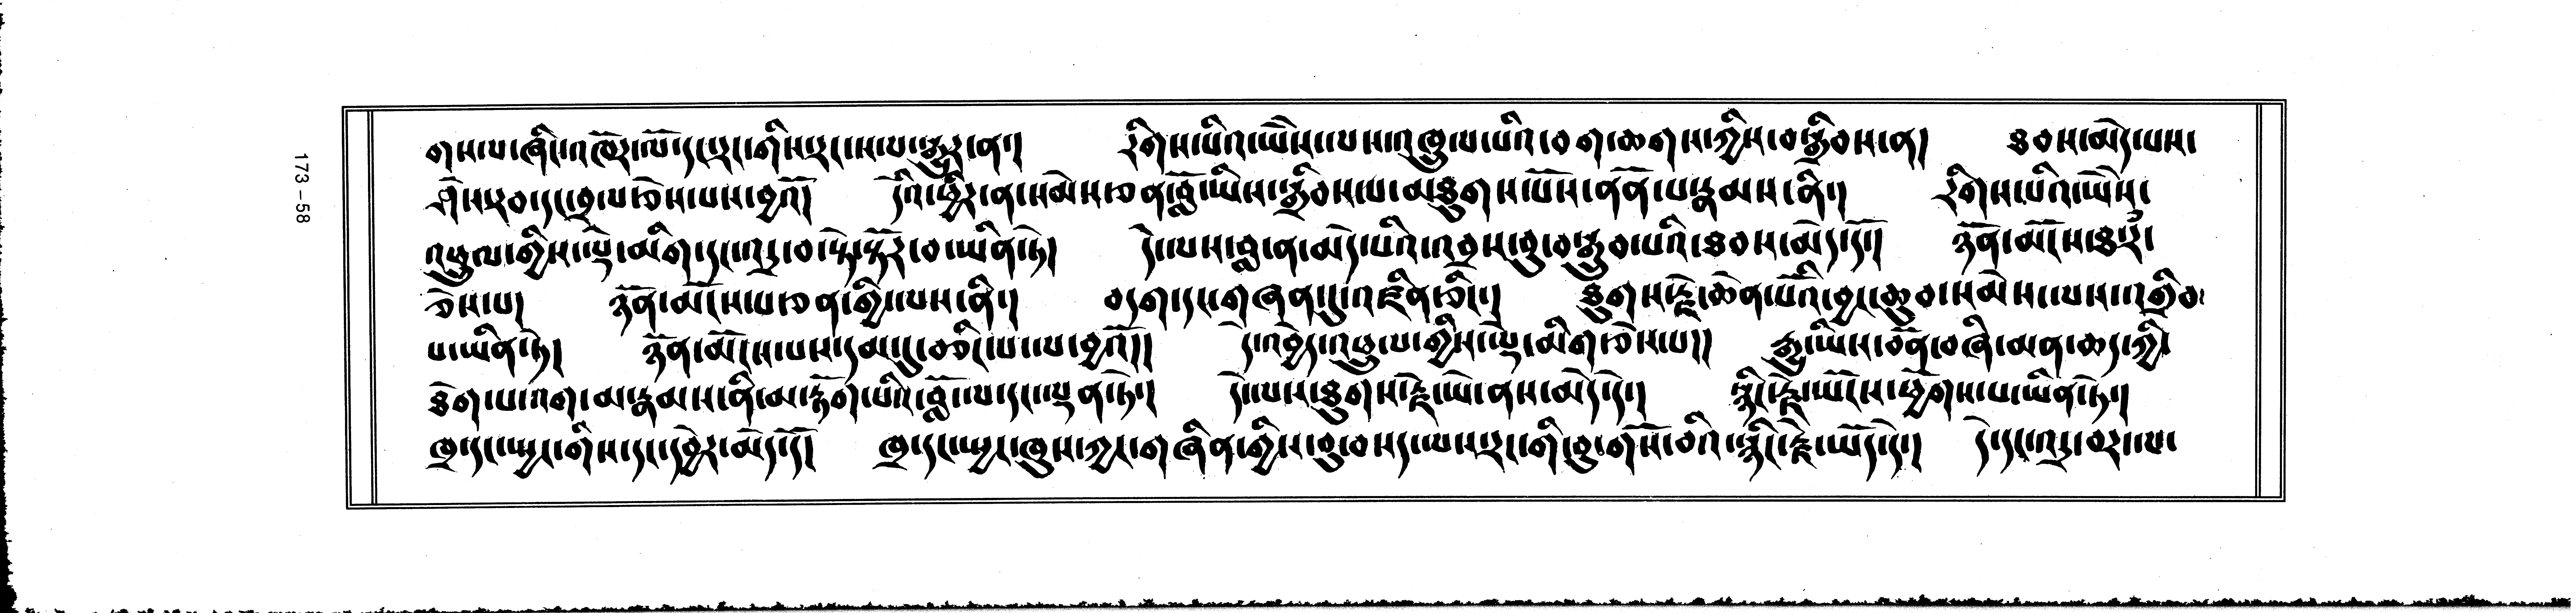གསལ་ཞིང་འཁོར་ལོ་དང་༼འདྲ་བར༽རང་གིས་རང་སལ་༼སར༽བསྒྱུར་ན། རིག་པའི་ཡེ་ཤེས་ལས་འཁྲུལ་པའི་བག་ཆགས་ཀྱིས་བསྒྲིབས་ན་ཐབས་མེད་པས་
ཤེས་རབ་དང་བྲལ་ཅེས་པས་བྱའོ། །དེའི་ཕྱིར་ན་སེམས་ཅན་བློ་ཡི་སྒྲིབ་པ་མཐུག་པོས་ནོན་པ་རྣམས་ནི། རིག་པའི་ཡེ་ཤེས་
འཕྲུལ་གྱི་ལྡེ་མིག་དང་འདྲ་སྟེ་སྟོར་བ་ཡིན་ཏེ། དེ་ལས་བླ་ན་མེད་པའི་འབྲས་བུ་བསྒྲུབ་པའི་ཐབས་མེད་དོ། །ཉོན་མོངས་ཐ་རམ་
ཅེས་པ། ཉོན་མོངས་པ་ཅན་གྱི་ལས་ནི། བདག་དང་གཞན་དུ་འཛིན་ཅིང་། ཐུགས་རྗེ་ཆེན་པོའི་བྱང་ཆུབ་སེམས་ལས་འགྲིབ་
པ་ཡིན་ཏེ། ཉོན་མོངས་པས་དམ་དུ་བཅིང་པ་ལ་བྱའོ། །དེ་འབྱེད་འཕྲུལ་གྱི་ལྡེ་མིག་ཅེས་པ། རྒྱུ་ཡི་བོན་བཞི་མན་ཆད་ཀྱི་
ཐེག་པ་འོག་མ་རྣམས་ནི་མ་རྟོགས་པའི་བློ་དང་ལྡན་ཏེ། དེ་ལས་ཐུགས་རྗེ་ཡེ་ནས་མེད་དེ། སྙིང་རྗེ་ཡོངས་ཕྱོགས་༼རེ༽པ་ཡིན་ཏེ། 
ཁྲ་དང་སྤྱང་ཀི་དང་དབྱེར་མེད་དོ། །ཁྲ་དང་སྤྱང་ཀིས་ཀྱང་བཞིན་གྱི་བུ་བསད་ལས་རང་གི་བུ་གསོ་བའི་སྙིང་རྗེ་ཡོད་དེ། དེ་དང་འདྲ་བར་ལ་